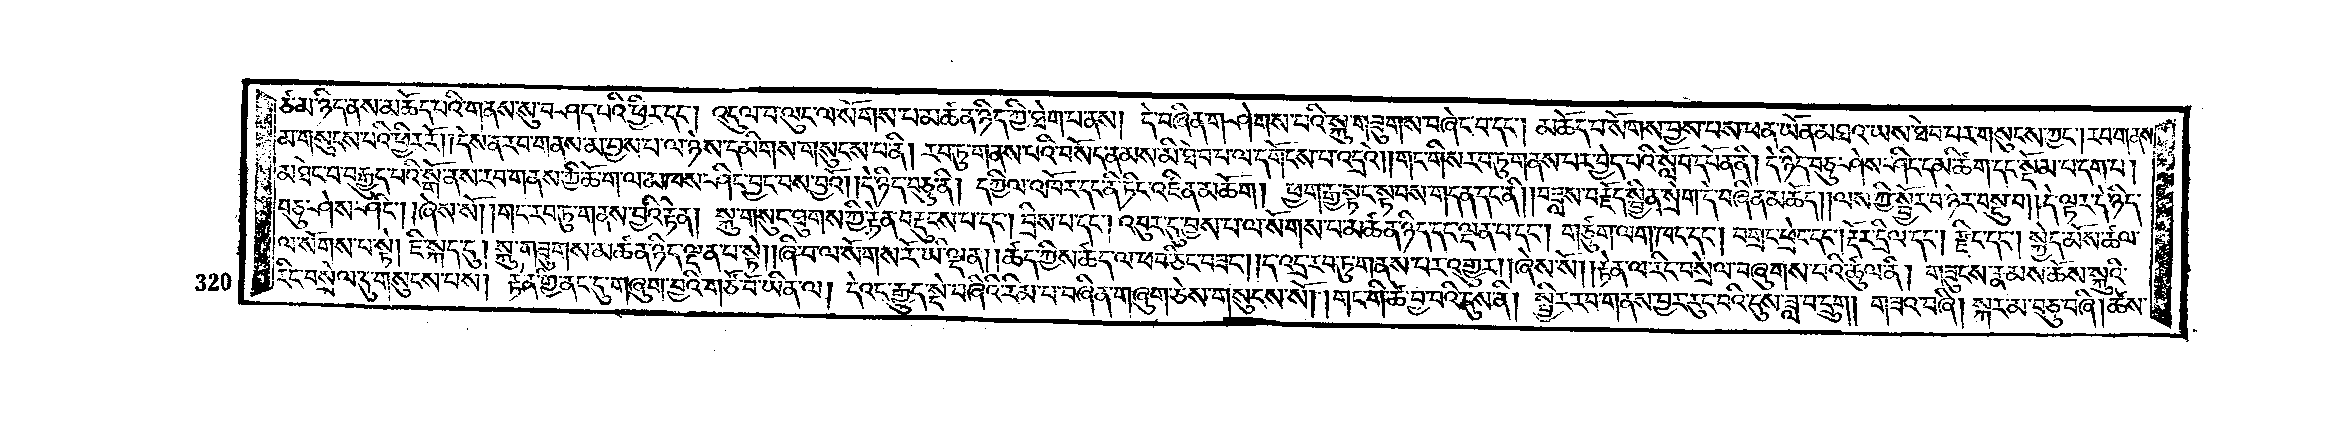ཙམ་ཉིད་ནས་མཆོད་པའི་གནས་སུ་བཤད་པའི་ཕྱིར་དང་། འདུལ་བ་ལུང་ལ་སོགས་པ་མཚན་ཉིད་ཀྱི་ཐེག་པ་ནས། དེ་བཞིན་གཤེགས་པའི་སྐུ་གཟུགས་བ་ཞེང་བ་དང་། མཆོད་པ་སོགས་བྱས་པས་ཕན་ཡོན་མཐའ་ཡས་ཐོབ་པར་གསུངས་ཀྱང་། རབ་གནས་
མ་གསུངས་པའི་ཕྱིར་རོ། །དེས་ན་རབ་གནས་མ་བྱས་པ་ལ་ཉེས་དམིགས་གསུངས་པ་ནི། རབ་ཏུ་གནས་པའི་བསོད་ནམས་མི་ཐོབ་པ་ལ་དགོངས་པ་འདྲའོ། །གང་གིས་རབ་ཏུ་གནས་པར་བྱེད་པའི་སློབ་དཔོན་ནི། དེ་ཉིད་བཅུ་ཤེས་ཤིང་དམ་ཚིག་དང་སྡོམ་པ་དག་པ།
མཐོང་བ་བརྒྱུད་པའི་སྒོ་ནས་རབ་གནས་ཀྱི་ཆོ་ག་ལ་མཁས་ཤིང་བྱང་བས་བྱའོ། །དེ་ཉིད་བཅུ་ནི། དཀྱིལ་འཁོར་དང་ནི་ཏིང་འཛིན་མཆོག། ཕྱག་རྒྱ་སྟང་སྟབས་གདན་དང་ནི། །བཟླས་བརྗོད་སྦྱིན་སྲེག་དེ་བཞིན་མཆོད། །ལས་ཀྱི་སྦྱོར་བ་ཉེར་བསྡུ་བ། །དེ་ལྟར་དེ་ཉིད་
བཅུ་ཤེས་ཤིང་། །ཞེས་སོ། །གང་རབ་ཏུ་གནས་བྱའི་རྟེན། སྐུ་གསུང་ཐུགས་ཀྱི་རྟེན་བརྡུངས་པ་དང་། བྲིས་པ་དང་། འབུར་དུ་བྱས་པ་ལ་སོགས་པ་མཚན་ཉིད་དང་ལྡན་པ་དང་། གཙུག་ལག་ཁང་དང་། བགྲང་ཕྲེང་དང་། རྡོར་དྲིལ་དང་། རྫིང་དང་། སྐྱེད་མོས་ཚལ་
ལ་སོགས་པ་སྟེ། ཇི་སྐད་དུ། སྐུ་གཟུགས་མཚན་ཉིད་ལྡན་པ་སྟེ། །ཞི་བ་ལ་སོགས་རོ་ཡི་ལྡན། །ཚད་ཀྱིས་ཚད་ལ་ཕབ་ཅིང་བཟང་། །དེ་འདྲ་རབ་ཏུ་གནས་པར་འགྱུར། །ཞེས་སོ། །རྟེན་ལ་རིང་བསྲེལ་བཞུགས་པའི་ཚུལ་ནི། གཟུངས་རྣམས་ཆོས་སྐུའི་
རིང་བསྲེལ་དུ་གསུངས་པས། རྟེན་གྱི་ནང་དུ་གཞུག་བྱའི་གཙོ་བོ་ཡིན་ལ། དེའང་རྒྱུད་སྡེ་བཞིའི་རིམ་པ་བཞིན་གཞུག་ཅེས་གསུངས་སོ། །གང་གི་ཚེ་བྱ་བའི་དུས་ནི། སྤྱིར་རབ་གནས་བྱར་རུང་བའི་དུས་ཟླ་བ་དྲུག། གཟའ་བཞི། སྐར་མ་བཅུ་བཞི། ཚེས་